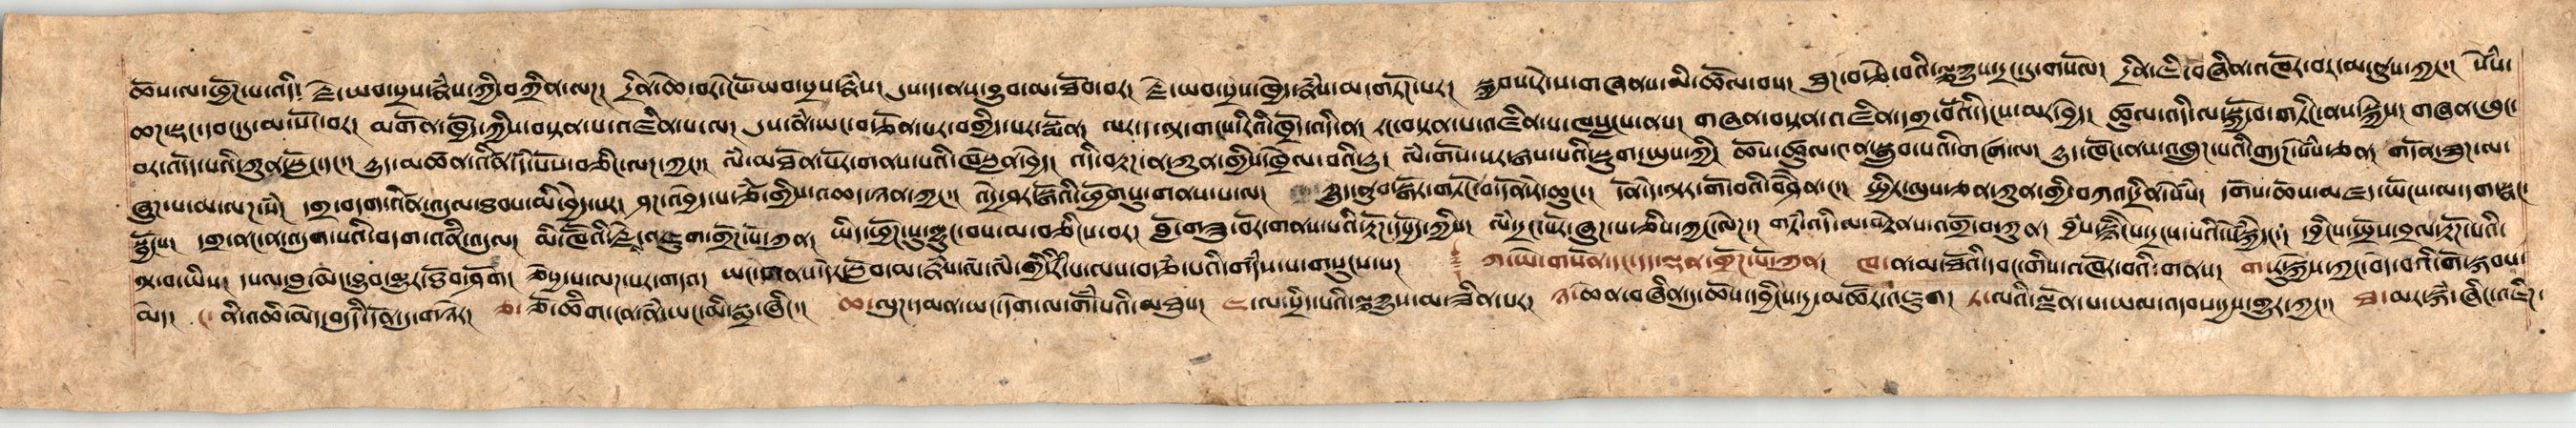ཆོས་ལ་ཕྱོཌ་པ་འདི༴ རྗེ་ཡབ་སྲས་རྣཾས་ཀྱི་བཀྲིན་ལཌ། དྲིན་ཆེ་བར་ངེསོ་ཡབ་སྲས་རྣཾས། དུས་ད་ནས་བྱུབ་མ་ཐོབ་བར། རྗེ་ཡབ་སྲས་ཁྱེད་རྣཾས་མ་གཏོཌ་པར། སྐྱབས་རེ་ས་གཞནས་མི་ཚོལ་བས། ཐུཌ་བརྩེ་བའི་ལྕཀྱུས་དྲང་དུ་གསོལ། དྲིན་ཇི་བཞིན་འཁོར་བར་མ་ནུས་ཀྱང་། སེཾས་
ཆཌ་སྡང་དབང་དུ་མ་སོང་བར། མགོན་ཁྱོད་ཀྱིས་བསྟན་པ་འཛིན་པ་ལ། དུས་ནཾ་ཡང་བརྩོན་པར་བགྱིད་པར་སྨོན། ལར་ད་ལྟ་གངས་རིའི་ཁྲོད་འདི་ན། རང་བསྟན་པ་འཛིན་པ་ཁསླངས་ནས། གཞན་བསྟན་འཛིན་དགྲ་བོའི་དངས་མར་བྱེད། ཚུལ་འདི་ལ་སྐྱོ་བ་གཏིང་ནས་སྐྱེས། གཞན་ཕུང་
བར་འདོད་པའི་ཀུན་སློང་དང་། དྱུད་མཚན་འཛིན་དཾ་པོས་བཅིང་ལཌ་ཀྱང་། ལཾ་མཐོན་པོར་གནས་པའི་ཁེསླན་བྱེད། འདི་བརྟཌ་ན་ཀུན་གྱིས་ཁྲེལ་བའི་དྱུ། ལཾ་གོས་སར་རྒས་པའི་སྡུག་ཡུས་ཀྱི། ཆོས་ཚུལ་༤ན་སྒྲུབ་པའི་གངཟག་ལ། དྱུད་ཁོང་ནས་འཁྲུཌ་པའི་གདུཌ་སེསཾ་ཅན། གདོན་ཐུཌ་ལ་
ཞུཌ་པ་མ་ལཌ་སཾ། དགྲ་བདག་འཛིན་འདུལ་ཐབས་མི་བྱེད་པར། ཤཌ་འབྱེད་པ་ཙཾ་གྱིས་འཆད་ཉན་ཀྱང་། འདྲེ་ཤར་སྒོའི་ཕྱོགསུ་གནས་པ་ལ། ཀླུད་ནུབ་སྒོར་གཏོང་བ་དོན་རེ་ཆུང་། དོན་དེ་ལྟར་གོ་བའི་བཤཻན་ང་། སྤྱིར་ལུས་ཅན་ཀུན་གྱི་བཀའ་དྲིན་སེསཾ། དགོས་ཆོས་མཛད་ཡོངས་ལ་དག་སྣང་
སྦྱོངས་། དགྲ་ནང་ན་འདུག་པའི་བདག་འཛིན་འདུལ། མི་ཁཽའི་རྗེས་འཇུག་གྲོཌ་པོ་ཀུན། ཡིད་ཕྱོཌ་སུ་ལྷུང་བས་མ་བཅིངས་བར། བློ་གཟུ་བོར་གནས་པའི་རྟོཌ་དཔྱོད་ཀྱིས། ལཾ་དྲང་པོར་ཞུཌ་པ་ཅིས་ཀྱང་ལེཌ། གཏཾ་འདི་ལ་བརྟེནས་འགྲོ་བ་ཀུན། བྱཾས་སྙིངེས་དྲངས་པའི་སེཾསྐྱེདང་། དབྱིངས་སྤྲོས་བྲལ་རྟོཌ་པའི་
ལྟ་བ་ཡིས། དཔལ་བླ་མེད་བྱུབ་མྱུར་ཐོབ་ཤོག། ཅེསྱ་པ་ལཌ་པར་གདའ། ཡང་གནས་དེར་སློབ་མ་རྣཾས་ལ་ལཾ་གྱི་རིཾ་པ་ལས་བརྩཾ་པའི་གདཾས་པ་གསུངས་པ། ࿑ ཀ་ཡེ་གསན་དང་དད་ལྡན་གྲོཌ་པོ་ཀུན། ཁ་ན་མ་ཐོའི་དབང་གིས་འཁོར་བའི་གནས། ག་རུ་སྐྱེས་ཀྱང་བདེ་བའི་གོ་སྐབས་
མེད། །་ ནི་འཆི་མེད་བདུདརྩི་་དོན་དུ་གཉེར། ཅ་ཅོ་ཚིག་ངན་ནཾ་ཡང་མི་སྨྲ་ཞིང་། ཆ་ལུཌ་དམན་ཡང་དགེ་ལ་སྒོཾ་པའི་མཐུས། ཇ་ལ་སྲིད་པའི་ལྕཀྱུས་མ་ཟིན་པར། ཉ་ཆེན་བཞིན་དུ་ཆོས་དབྱིངས་དྱ་མཚོར་འཇུག། ཏ་ལའི་ལྗོན་པ་ཡལ་འདབས་དྱས་གྱུར་ཀྱང་། ཐ་མར་སྐཾ་ཞིང་འཇིཌ་